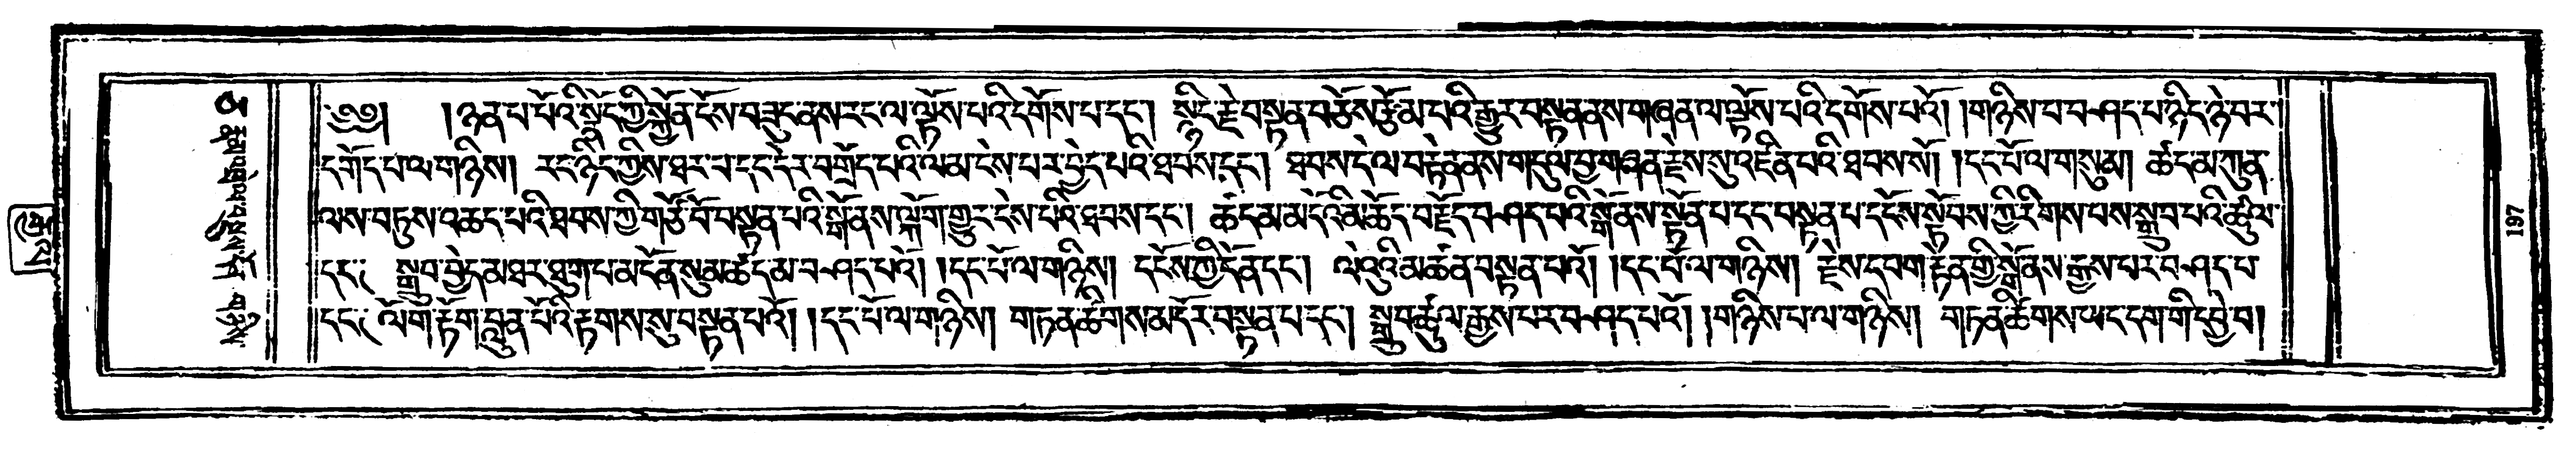༄༅། །ཉན་པ་པོའི་སྣོད་ཀྱི་སྐྱོན་ངོས་བཟུང་ནས་རང་ལ་ལྟོས་པའི་དགོས་པ་དང་། སྙིང་རྗེ་བསྟན་བཅོས་རྩོམ་པའི་རྒྱུར་བསྟན་ནས་གཞན་ལ་ལྟོས་པའི་དགོས་པའོ། །གཉིས་པ་བཤད་པ་ཉིད་ཉེ་བར་
དགོད་པ་ལ་གཉིས། རང་ཉིད་ཀྱིས་ཐར་པ་དང་དེར་བགྲོད་པའི་ལམ་ངེས་པར་བྱེད་པའི་ཐབས་དང་། ཐབས་དེ་ལ་བརྟེན་ནས་གདུལ་བྱ་གཞན་རྗེས་སུ་འཛིན་པའི་ཐབས་སོ། །དང་པོ་ལ་གསུམ། ཚད་མ་ཀུན་
ལས་བཏུས་འཆད་པའི་ཐབས་ཀྱི་གཙོ་བོ་བསྟན་པའི་སྒོ་ནས་ལྐོག་གྱུར་ངེས་པའི་ཐབས་དང་། ཚད་མ་མདོའི་མཆོད་བརྗོད་བཤད་པའི་སྒོ་ནས་སྟོན་པ་དང་བསྟན་པ་དངོས་སྟོབས་ཀྱི་རིགས་པས་སྒྲུབ་པའི་ཚུལ་
དང་། སྒྲུབ་བྱེད་མཐར་ཐུག་པ་མངོན་སུམ་ཚད་མ་བཤད་པའོ། །དང་པོ་ལ་གཉིས། དངོས་ཀྱི་དོན་དང་། ལེའུའི་མཚན་བསྟན་པའོ། །དང་པོ་ལ་གཉིས། རྗེས་དཔག་རྟེན་གྱི་སྒོ་ནས་རྒྱས་པར་བཤད་པ་
དང་། ལོག་རྟོག་བླུན་པོའི་རྟགས་སུ་བསྟན་པའོ། །དང་པོ་ལ་གཉིས། གཏན་ཚིགས་མདོར་བསྟན་པ་དང་། སྒྲུབ་ཚུལ་རྒྱས་པར་བཤད་པའོ། །གཉིས་པ་ལ་གཉིས། གཏན་ཚིགས་ཡང་དག་གི་དབྱེ་བ།